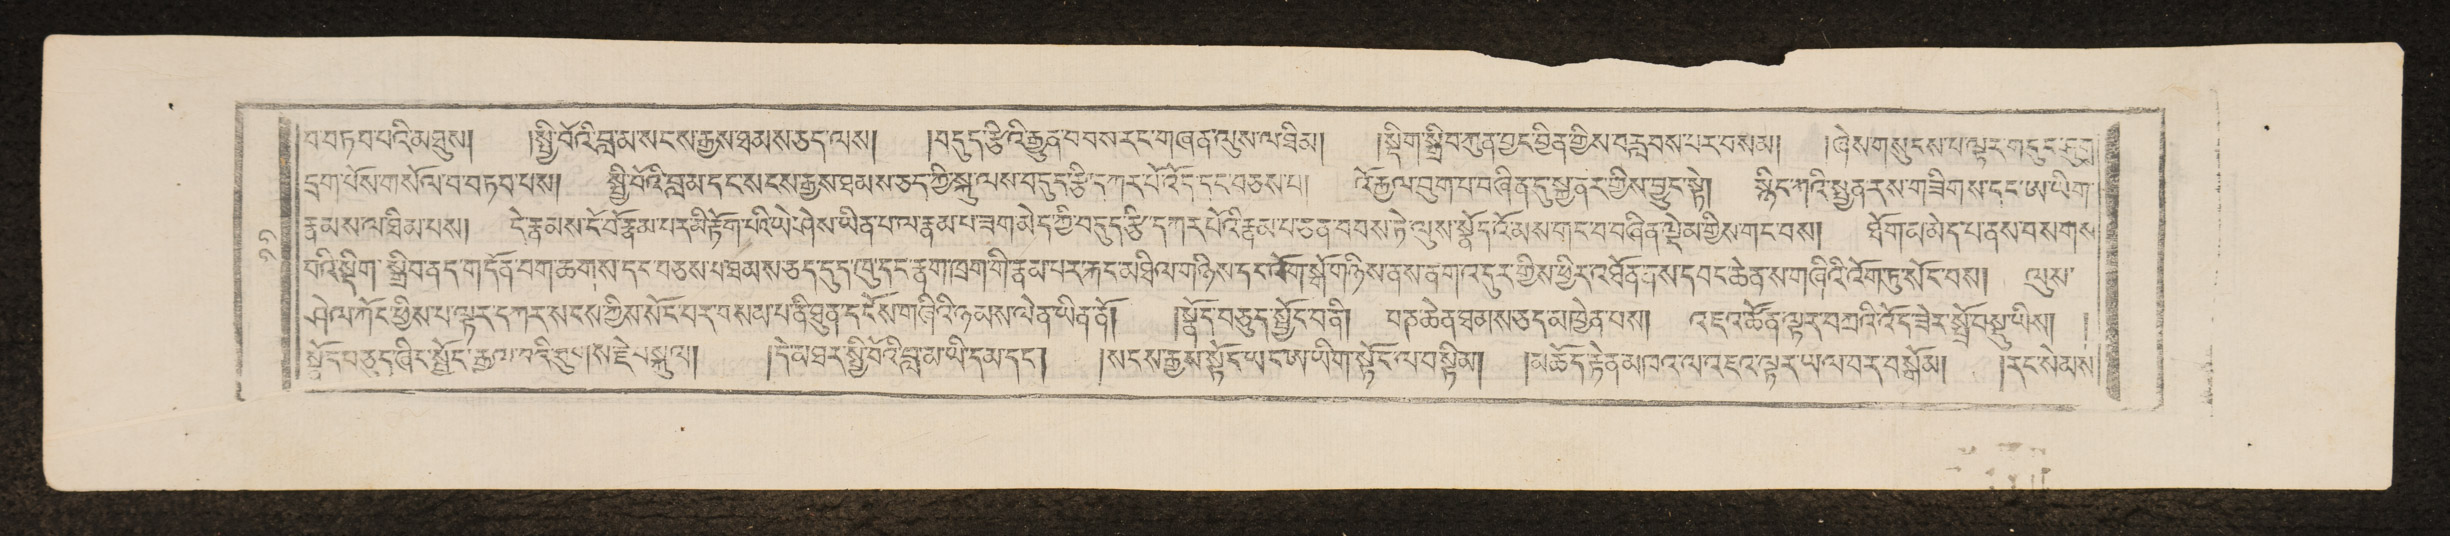བ་བཏབ་པའི་མཐུས། །སྤྱི་བོའི་བླ་མ་སངས་རྒྱས་ཐམས་ཅད་ལས། །བདུད་རྩིའི་རྒྱུན་བབས་རང་གཞན་ལུས་ལ་ཐིམ། །སྡིག་སྒྲིབ་ཀུན་བྱང་བྱིན་གྱིས་བརླབས་པར་བསམ། །ཞེས་གསུངས་པ་ལྟར་གདུང་ཤུགས་
དྲག་པོས་གསོལ་བ་བཏབ་པས། སྤྱི་བོའི་བླ་མ་དང་སངས་རྒྱས་ཐམས་ཅད་ཀྱི་སྐུ་ལས་བདུད་རྩི་དཀར་པོ་འོད་དང་བཅས་པ། འོ་རྐྱལ་བུག་པ་བཞིན་དུ་སྐྱ་ནར་གྱིས་བྱུང་སྟེ། སྙིང་ཀའི་སྤྱན་རས་གཟིགས་དང་ཨ་ཡིག་
རྣམས་ལ་ཐིམ་པས། དེ་རྣམས་ངོ་བོ་རྣམ་པར་མི་རྟོག་པའི་ཡེ་ཤེས་ཡིན་པ་ལ་རྣམ་པ་ཟག་མེད་ཀྱི་བདུད་རྩི་དཀར་པོའི་རྣམ་པ་ཅན་བབས་ཏེ་ལུས་སྣོད་འོ་མས་གང་བ་བཞིན་ལྡེམ་གྱིས་གང་བས། ཐོག་མ་མེད་པ་ནས་བསགས་
པའི་སྡིག་སྒྲིབ་ནད་གདོན་བག་ཆགས་དང་བཅས་པ་ཐམས་ཅད་དུད་ཁུ་དང་རྣག་ཁྲག་གི་རྣམ་པར་རྐང་མཐིལ་གཉིས་དང་འོག་སྒོ་གཉིས་ནས་ནག་འདུར་གྱིས་ཕྱིར་འཐོན་ནས་དབང་ཆེན་ས་གཞིའི་འོག་ཏུ་སོང་བས། ལུས་
ཤེལ་ཀོང་ཕྱིས་པ་ལྟར་དཀར་སངས་ཀྱིས་སོང་བར་བསམ་པ་ནི་ཐུན་དངོས་གཞིའི་ཉམས་ལེན་ཡིན་ནོ། །སྣོད་བཅུད་སྤྱོང་བ་ནི། པཎ་ཆེན་ཐམས་ཅད་མཁྱེན་པས། འཇའ་ཚོན་ལྟར་བཀྲའི་འོད་ཟེར་སྤྲོ་བསྡུ་ཡིས། །
སྣོད་བཅུད་ཞིང་སྤྱོད་རྒྱལ་བའི་ཐུགས་རྗེ་བསྐུལ། །དེ་མཐར་སྤྱི་བོའི་བླ་མ་ཡི་དམ་དང་། །སངས་རྒྱས་སྟོང་ཡང་ཨ་ཡིག་སྟོང་ལ་བསྟིམ། །མཆོད་རྟེན་མཁའ་ལ་འཇའ་ལྟར་ཡལ་བར་བསྒོམ། །རང་སེམས་